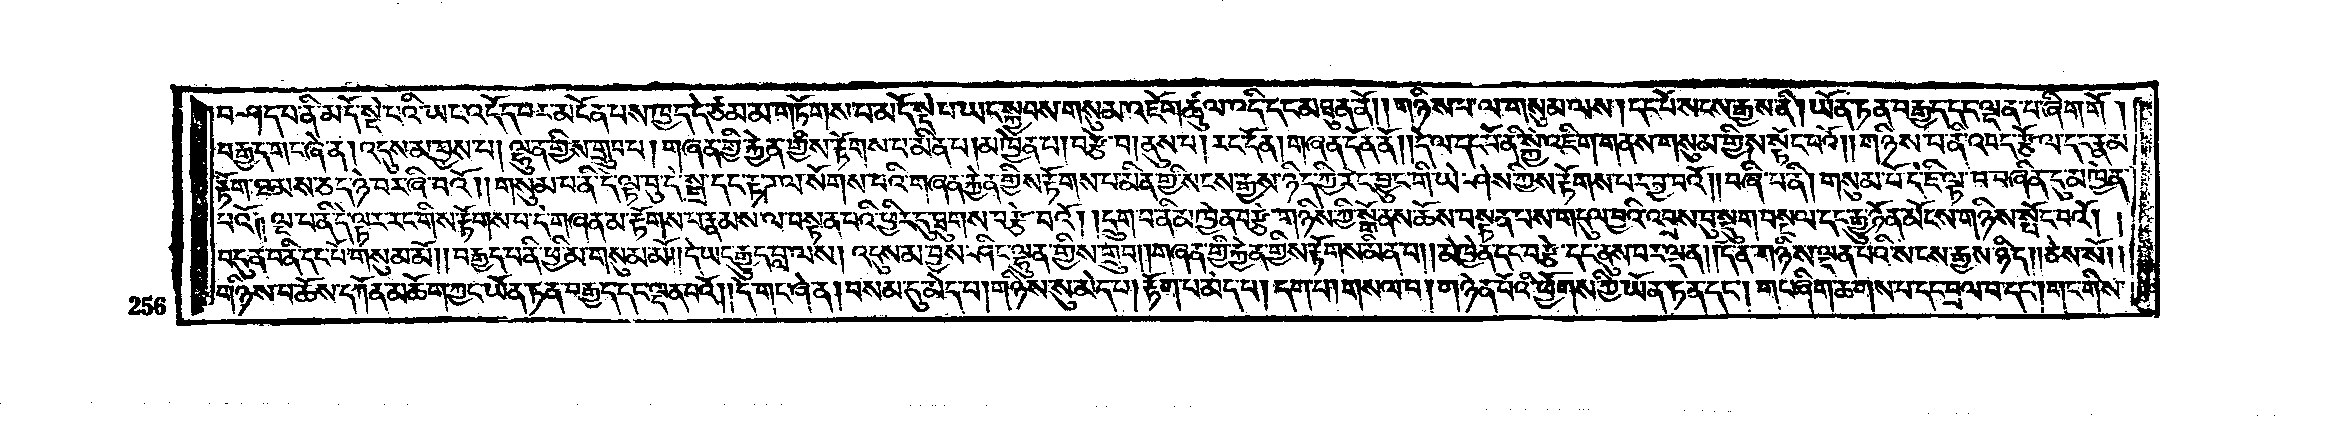བཤད་པ་ནི་མདོ་སྡེ་པའི་ཡང་འདོད་པར་མངོན་པས་ཁྱད་དེ་ཙམ་མ་གཏོགས་པ་མདོ་སྡེ་པ་ཡང་སྐྱབས་གསུམ་འཇོག་ཚུལ་འདི་དང་མཐུན་ནོ། །གཉིས་པ་ལ་གསུམ་ལས། དང་པོ་སངས་རྒྱས་ནི། ཡོན་ཏན་བརྒྱད་དང་ལྡན་པ་ཞིག་གོ །
བརྒྱད་གང་ཞེ་ན། འདུས་མ་བྱས་པ། ལྷུན་གྱིས་གྲུབ་པ། གཞན་གྱི་རྐྱེན་གྱིས་རྟོགས་པ་མིན་པ། མཁྱེན་པ། བརྩེ་བ། ནུས་པ། རང་དོན། གཞན་དོན་ནོ། །དེ་ལ་དང་པོ་ནི་སྐྱེ་འཇིག་གནས་གསུམ་གྱིས་སྟོང་པའོ། །གཉིས་པ་ནི་འབད་རྩོལ་དང་རྣམ་
རྟོག་ཐམས་ཅད་ཉེ་བར་ཞི་བའོ། །གསུམ་པ་ནི་དེ་ལྟ་བུ་དེ་སྒྲ་དང་རྟགས་ལ་སོགས་པའི་གཞན་རྐྱེན་གྱིས་རྟོགས་པ་མིན་གྱི་སངས་རྒྱས་ཉིད་ཀྱི་རང་བྱུང་གི་ཡེ་ཤེས་ཀྱིས་རྟོགས་པར་བྱ་བའོ། །བཞི་པ་ནི། གསུམ་པོ་དེ་ཇི་ལྟ་བ་བཞིན་དུ་མཁྱེན་
པའོ། །ལྔ་པ་ནི་དེ་ལྟར་རང་གིས་རྟོགས་པ་དེ་གཞན་མ་རྟོགས་པ་རྣམས་ལ་བསྟན་པའི་ཕྱིར་དུ་ཐུགས་བརྩེ་བའོ། །དྲུག་པ་ནི་མཁྱེན་བརྩེ་གཉིས་ཀྱི་སྒོ་ནས་ཆོས་བསྟན་པས་གདུལ་བྱའི་འབྲས་བུ་སྡུག་བསྔལ་དང་རྒྱུ་ཉོན་མོངས་གཉིས་སྤོང་བའོ། །
བདུན་པ་ནི་དང་པོ་གསུམ་མོ། །བརྒྱད་པ་ནི་ཕྱི་མ་གསུམ་མོ། །དེ་ཡང་རྒྱུད་བླ་ལས། འདུས་མ་བྱས་ཤིང་ལྷུན་གྱིས་གྲུབ། །གཞན་གྱི་རྐྱེན་གྱིས་རྟོགས་མིན་པ། །མེ་མཁྱེན་དང་བརྩེ་དང་ནུས་པར་ལྡན། །དོན་གཉིས་ལྡན་པའི་སངས་རྒྱས་ཉིད། །ཅེས་སོ། །
གཉིས་པ་ཆོས་དཀོན་མཆོག་ཀྱང་ཡོན་ཏན་བརྒྱད་དང་ལྡན་པའོ། །དེ་གང་ཞེ་ན། བསམ་དུ་མེད་པ། གཉིས་སུ་མེད་པ། རྟོག་པ་མེད་པ། དག་པ། གསལ་བ། གཉེན་པོའི་ཕྱོགས་ཀྱི་ཡོན་ཏན་དང་། གང་ཞིག་ཆགས་པ་དང་བྲལ་བ་དང་། གང་གིས་